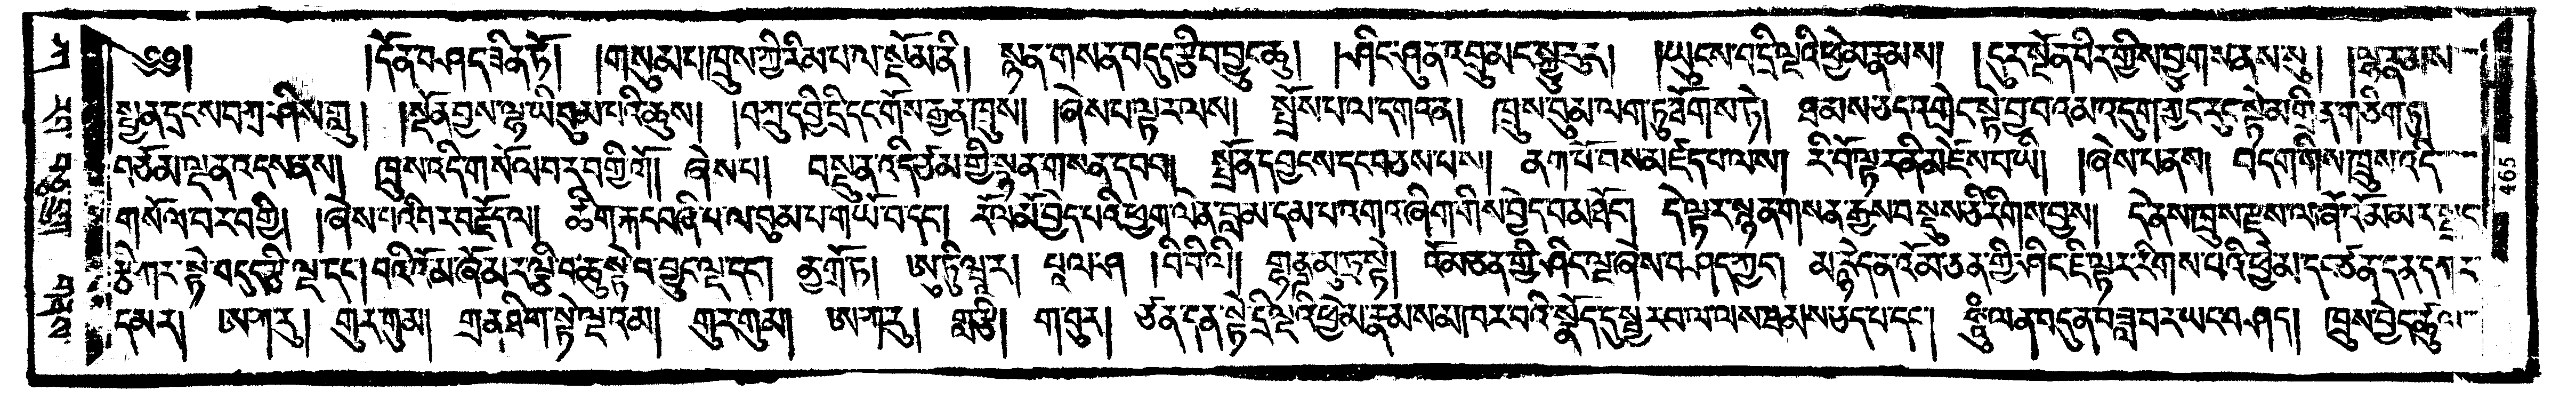༄༅། །དོན་བཤད་ཟིན་ཏོ། །གསུམ་པ་ཁྲུས་ཀྱི་རིམ་པ་ལ་སྡོམ་ནི། སྙན་གསན་བདུན་རྩི་བ་བྱུང་ཆུ། །ཤིང་ཤུན་འབྲུ་མང་སྐྱུ་རུད?། །ཡུངས་བ་དྲི་ལྔའི་ཕྱེ་མ་རྣམས། །དུར་སྔོན་བིར་གྱིས་བྱུགས་ནས་སུ། །ལྷ་རྣམས་
སྤྱན་དྲངས་བཀྲ་ཤིས་གླུ། །སྔོན་བྱས་ལྷ་ཡི་བུམ་པའི་ཆུས། །བཀྲ་དབྱི་དྲི་དང་གོས་རྒྱན་ཁྲུས། །ཞེས་པ་ལྟར་ལས། སྤྲོས་པ་ལ་དགའ་ན། །ཁྲུས་བུམ་ལག་ཏུ་ཐོགས་ཏེ། ཐམས་ཅད་འགྲེང་ཏེ་བྱ་བ་འམ་འདུག་ཀྱང་རུང་སྟེ་མགྲིན་གཅིག་ཏུ།
བཅོམ་ལྡན་འདས་ནས། ཁྲུས་འདི་གསོལ་བར་བགྱི་གོ། ཞེས་པ། བསྡུན་འདི་ཙམ་གྱི་སྙན་གསན་དབང་། སྤྲོ་ན་དབྱངས་དང་བཅས་པས། ནག་པོ་བས་མཛད་པ་ལས། རི་བོ་ལྟར་ནི་མཛེས་པ་ཡི། །ཞེས་པ་ནས། བདག་གིས་ཁྲུས་འདི་
གསོལ་བར་བགྱི། །ཞེས་པའི་བར་བརྗོད་ལ། ཚིག་རྐང་བཞི་པ་ལ་བུམ་པ་གཡོ་བ་དང་། རོལ་མོ་བྱེད་པའི་ཕྱག་ལེན་བླ་མ་དམ་པ་འགའ་ཞིག་གིས་བྱེད་པ་མཐོང་། དེ་ལྟར་སྙན་གསན་རྒྱས་བསྡུས་ཅི་རིགས་བྱས། དེ་ནས་ཁྲུས་རྫས་ཞོ་འོ་མ་མར་སྦྲང་
རྩི་ཀར་སྟེ་བདུད་རྩི་ལྡ་དང་། བའི་འོ་མ་ཞོ་མར་ལྕི་བ་ཆུ་སྟེ་བ་བྱུང་ལྡ་དང་། ནྱ་གྲོ་ཏ། ཨུ་ཏིཨུ་ཝཱ་ར། པཱ་ལ་ཤ། བི་བིའི། གྷནྜ་མུ་ཏྲ་སྟེ། འོ་མ་ཅན་གྱི་ཤིང་ལྔ་ཞེས་བཤད་ཀྱང་། མ་རྙེད་ན་འོ་མ་ཅན་གྱི་ཤིང་ཇི་ལྟར་རིགས་པའི་ཕྱེ་མ་དང་ཙན་དན་དཀར་
དམར། ཨ་ཀ་རུ། གུར་གུམ། གྲན་ཐིག་སྟེ་ལྔའམ། གུར་གུམ། ཨ་ཀ་རུ། གླ་རྩི། ག་བུར། ཙན་དན་སྟེ་དྲི་ལྔའི་ཕྱེ་མ་རྣམས་མཁར་པའི་སྣོད་དུ་སྦྱ་རབ་ལ་ལས་ཐམས་ཅད་པ་དང་། ཧཱུཾ་ལན་བདུན་བཟླ་བར་ཡང་བཤད། ཁྲུས་བྱེད་ཚུལ་